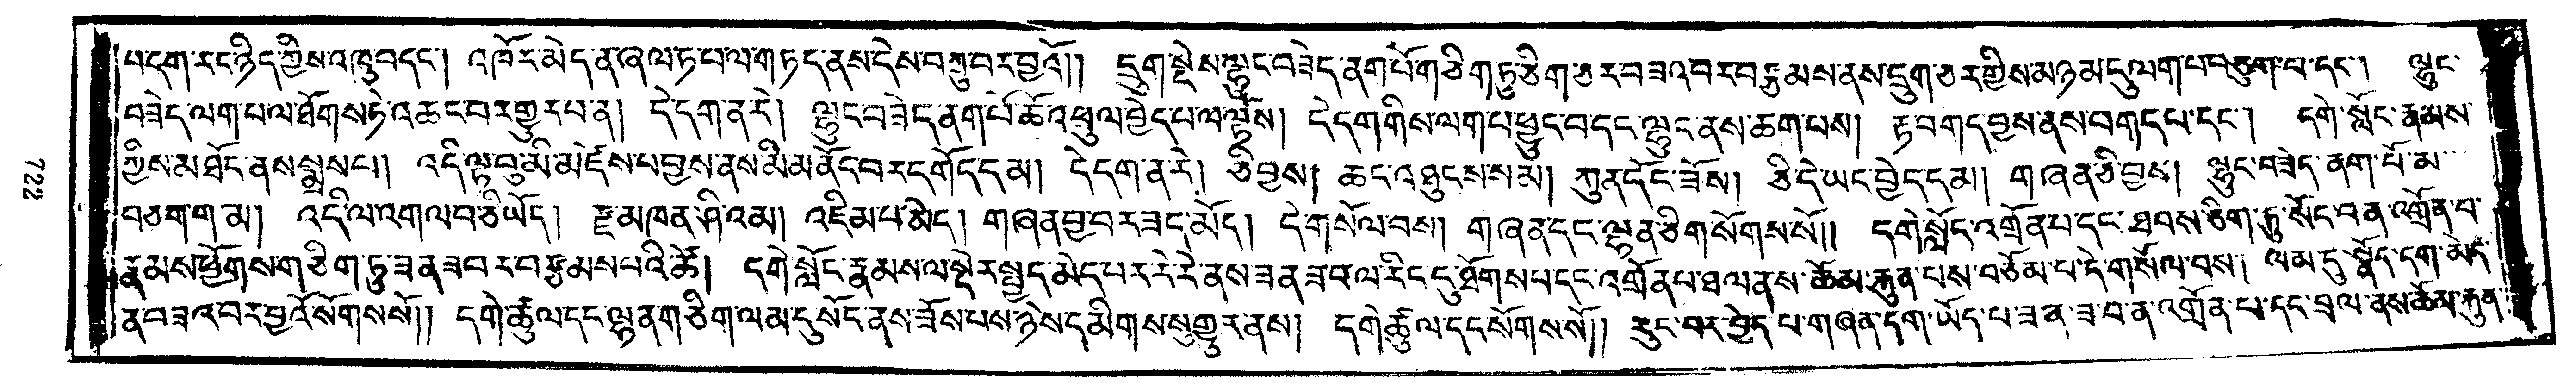པ་དག་རང་ཉིད་ཀྱིས་འཁུ་བ་དང་། འཁོར་མེད་ན་ཞལ་ཏ་པ་ལ་གཏད་ནས་དེས་བཀྲུ་བར་བྱའོ། །དྲུག་སྡེས་ལྷུང་བཟེད་ནག་པོ་གཅིག་ཏུ་ཅིག་ཅར་བཟའ་བར་བརྩམས་ནས་དྲུག་ཅར་གྱིས་མཉམ་དུ་ལག་པ་བཅུག་པ་དང་། ལྷུང་
བཟེད་ལག་པ་ལ་ཐོགས་ཏེ་འཆང་བར་གྱུར་པ་ན། དེ་དག་ན་རེ། ལྷུང་བཟེད་ནག་པོ་ཆོ་འཕྲུལ་བྱེད་པ་ལ་ལྟོས། དེ་དག་གིས་ལག་པ་ཕྱུང་བ་དང་ལྷུང་ནས་ཆག་པས། རྟ་བགད་བྱས་ནས་བགད་པ་དང་། དགེ་སློང་རྣམས་
ཀྱིས་མཐོང་ནས་སྨྲས་པ། འདི་ལྟ་བུ་མི་མཛེས་པ་བྱས་ནས་མི་མནོང་བར་དགོད་དམ། དེ་དག་ན་རེ། ཅི་བྱས། ཆང་འཐུངས་སམ། ཀུན་དོང་ཟོས། ཅི་དེ་ཡང་བྱེད་དམ། གཞན་ཅི་བྱས། ལྷུང་བཟེད་ནག་པོ་མ་
བཅག་ག་མ། འདི་ལ་འགལ་བ་ཅི་ཡོད། རྫ་མཁན་ཤི་འམ། འཇིམ་པ་མེད། གཞན་བྱ་བར་ཟད་མོད། དེ་གསོལ་བས། གཞན་དང་ལྷན་ཅིག་སོགས་སོ། །དགེ་སློང་འགྲོན་པ་དང་ཐབས་ཅིག་ཏུ་སོང་བ་ན་འགྲོན་པ་
རྣམས་ཕྱོགས་གཅིག་ཏུ་ཟན་ཟ་བར་བརྩམས་པའི་ཚེ། དགེ་སློང་རྣམས་ལ་སྡེར་སྤྱད་མེད་པར་རེ་རེ་ནས་ཟན་ཟ་བ་ལ་རིང་དུ་ཐོགས་པ་དང་འགྲོན་པ་ཐལ་ནས་ཆོམ་རྐུན་པས་བཅོམ་པ་དེ་གསོལ་བས༑ ལམ་དུ་སྣོད་དག་མེད་
ན་བཟའ་བར་བྱའོ་སོགས་སོ། །དགེ་ཚུལ་དང་ལྷན་གཅིག་ལམ་དུ་སོང་ནས་ཟོས་པས་ཉེས་དམིགས་སུ་གྱུར་ནས། དགེ་ཚུལ་དང་སོགས་སོ། །རུང་བར་བྱེད་པ་གཞན་དག་ཡོད་པ་ཟན་ཟ་བ་ན་འགྲོན་པ་དང་བྲལ་ནས་ཆོམ་རྐུན་